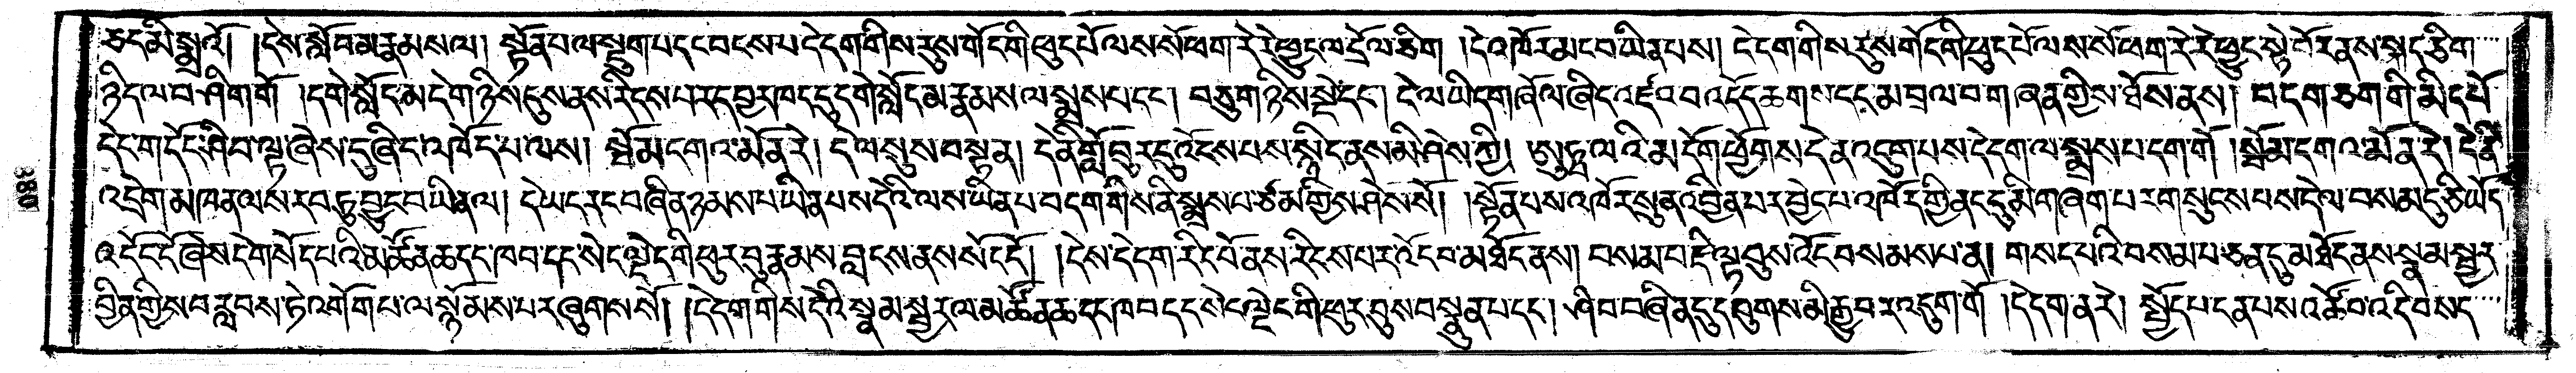ཅད་མི་སྨྲའོ། །དེས་སློབ་མ་རྣམས་ལ། སྟོན་པ་ལ་སྡུག་པ་དང་བངས་པ་དེ་དག་གིས་རུས་གོང་གི་ཕུང་པོ་ལས་སོ་ཕག་རེ་རེ་ཕྱུང་ལ་དྲོལ་ཅིག །དེ་འཁོར་མང་བ་ཡིན་པས། དེ་དག་གིས་རུས་གོང་གི་ཕུང་པོ་ལས་སོ་ཕག་རེ་རེ་ཕྱུང་སྟེ་བོར་ནས་སྐད་ཅིག་
ཉིད་ལ་བཤིག་གོ །དགེ་སློང་མདེ་གཉིས་དུས་ནས་རིངས་པར་དབྱར་ཁང་དུ་དགེ་སློང་མ་རྣམས་ལ་སྨྲས་པ་དང་། བཅུ་གཉིས་སྡེ་དང་། དེ་ལ་ཡིད་གཞོལ་ཞིང་འཛའ་བ་འདོད་ཆགས་དང་མ་བྲལ་བ་གཞན་གྱིས་ཐོས་ནས། བདག་ཅག་གི་མིད་པོ་
དེང་གདོང་ཤི་བ་ལྟ་ཞེས་དུ་ཞིང་འཁོད་པ་ལས། སྦོམ་དགའ་མོན་རེ། དེ་ལ་སུས་བསྟན། དེ་ནི་གློ་བུར་དུ་འོངས་པས་སྙིང་ནས་མི་ཤེས་ཀྱི། ཨུཏྤ་ལའི་མདོག་ཕྱོགས་དེན་འདུག་པས་དེ་དག་ལ་སྨྲས་པ་དག་གོ། །སྦོམ་དགའ་མོན་རེ། དེ་ནི་
འདྲེག་མཁན་ལས་རབ་ཏུ་བྱུང་བ་ཡིན་ལ། དེ་ཡང་རང་བཞིན་ཉམས་པ་ཡིན་པས་དེའི་ལས་ཡིན་པ་བདག་གིས་ནི་སྨྲས་པ་ཙམ་གྱིས་ཤེས་སོ། །སྟོན་པས་འཁོར་སུན་འབྱིན་པར་བྱེད་པ་འཁོར་གྱི་ནང་དུ་མི་གཞག་པར་གསུངས་པས་དེལ་བསམ་དུ་ཅི་ཡོད་
འདོང་ངོ་ཞེས་དེ་གསོད་པའི་མཚོན་ཆ་དང་ཁབ་དང་སེང་ལྡེད་གི་ཕུར་བུ་རྣམས་བླངས་ནས་སོང་ངོ། །དེས་དེ་དག་རིང་པོ་ནས་རིངས་པར་འོང་བ་མཐོང་ནས། བསམ་པ་ཇི་ལྟ་བུས་འོང་བསམས་པ་ན། གསད་པའི་བསམ་པ་ཅན་དུ་མཐོང་ནས་སྣམ་སྦྱར་
བྱིན་གྱིས་བརླབས་ཏེ་འགོག་པ་ལ་སྙོམས་པར་ཞུགས་སོ། །དེ་དག་གིས་དེའི་སྣམ་སྦྱར་ལ་མཚོན་ཆ་དང་ཁབ་དང་སེང་ལྡེང་གི་ཕུར་བུས་བསྣུན་པ་དང་། ཤིབ་བཞིན་དུ་དབུགས་མི་རྒྱུ་བར་འདུག་གོ །དེ་དག་ན་རེ། སྤྱོད་པ་ངན་པས་འཚོབ་འདི་བསད་